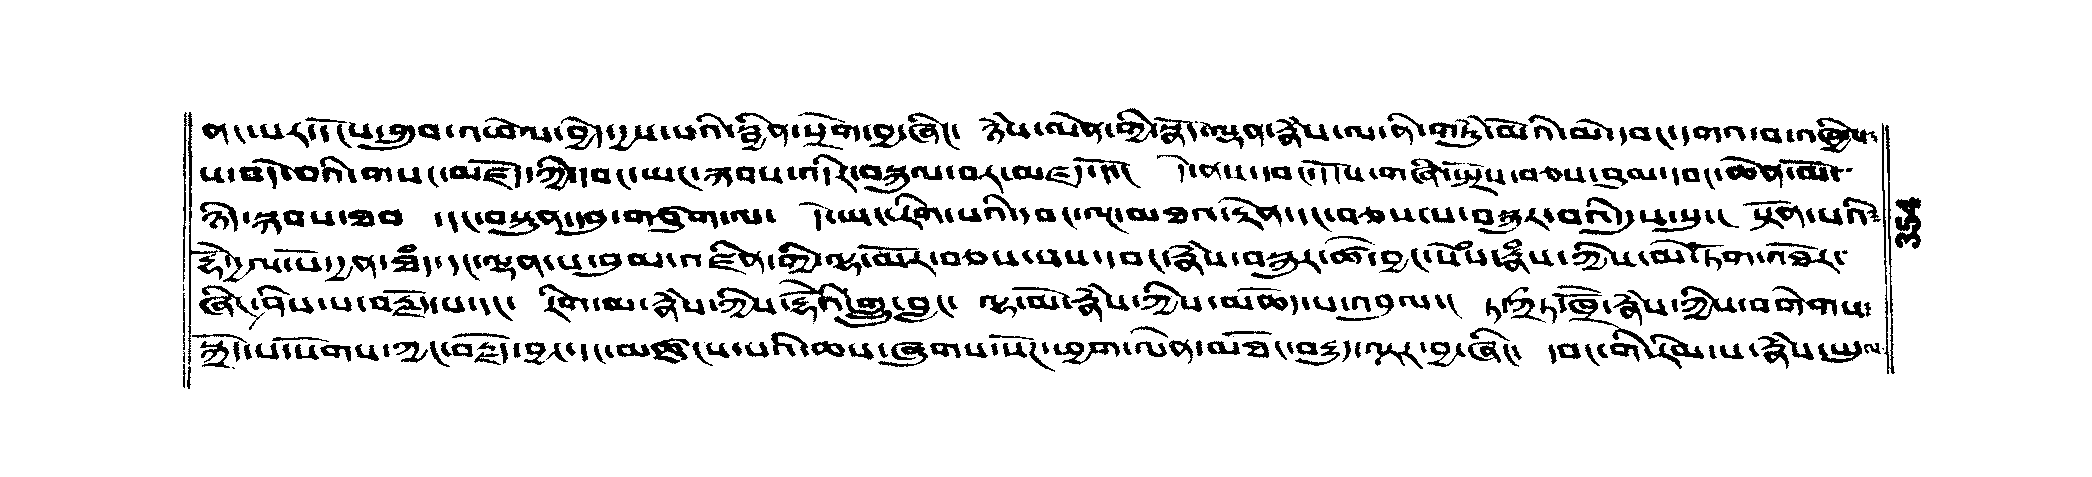ནང་སར་དངོས་གྲུབ་འཕེལ་བྱེད་རྒྱས་པའི་སྦྱིན་སྲེག་བྱ་ཞིང་། ཉམས་ལེན་གྱི་སྣོད་ལྡན་རྣམས་ལ་ནི་གཏུམ་མོའི་མེ་དབང་དགའ་བ་འཁྱིས་
པ་བདེ་བའི་གསང་མཛོད་ཀྱི་དབང་ཡང་སྐབས་འདིར་བསྐུལ་བར་མཛད་དོ།། དེ་ནས་དབང་དངོས་གཞི་སྤྲོས་བཅས་བུམ་དབང་ཆེན་མོ་
ཉིད་སྐབས་ཐབ་དང་བསྟུན་དབུ་གཙུག་ལ། དེ་ཡང་རིག་པའི་དབང་ལྔ་མཐའ་རྟེན་དང་བཅས་པ་བསྐུར་བའི་དུས་སུ། སྟོན་པའི་
རྡོ་རྗེ་རྒྱལ་པོ་རྒྱན་ཐམས་ཅད་དང་ལྡན་པ་བུམ་འཛིན་གྱི་ལྷ་མོར་བཅས་བས་དབང་རྣམས་བསྐུར་ཚེ་བྱང་སེམས་རྣམས་ཀྱིས་མེ་ཏོག་འཐོར་
ཞིང་ཤིས་པ་བརྗོད་པ་དང་། རིག་མ་རྣམས་ཀྱིས་རྡོ་རྗེའི་གླུ་བླང་། ལྷ་མོ་རྣམས་ཀྱིས་མཆོད་པ་འབུལ། ཏ་ཀྲྀ་ཏ་ཁྲོ་བོ་རྣམས་ཀྱིས་བགེགས་
སྐྲོད་པ་སོགས་ཀྱང་བརྗོད་བྱ་དང་མཚུངས་པའི་ཆས་ཞུགས་སོགས་ཕྱག་ལེན་མཐོང་བརྒྱུད་ལྟར་བྱ་ཞིང་། དབང་གི་རིམ་པ་རྣམས་ཡུལ་